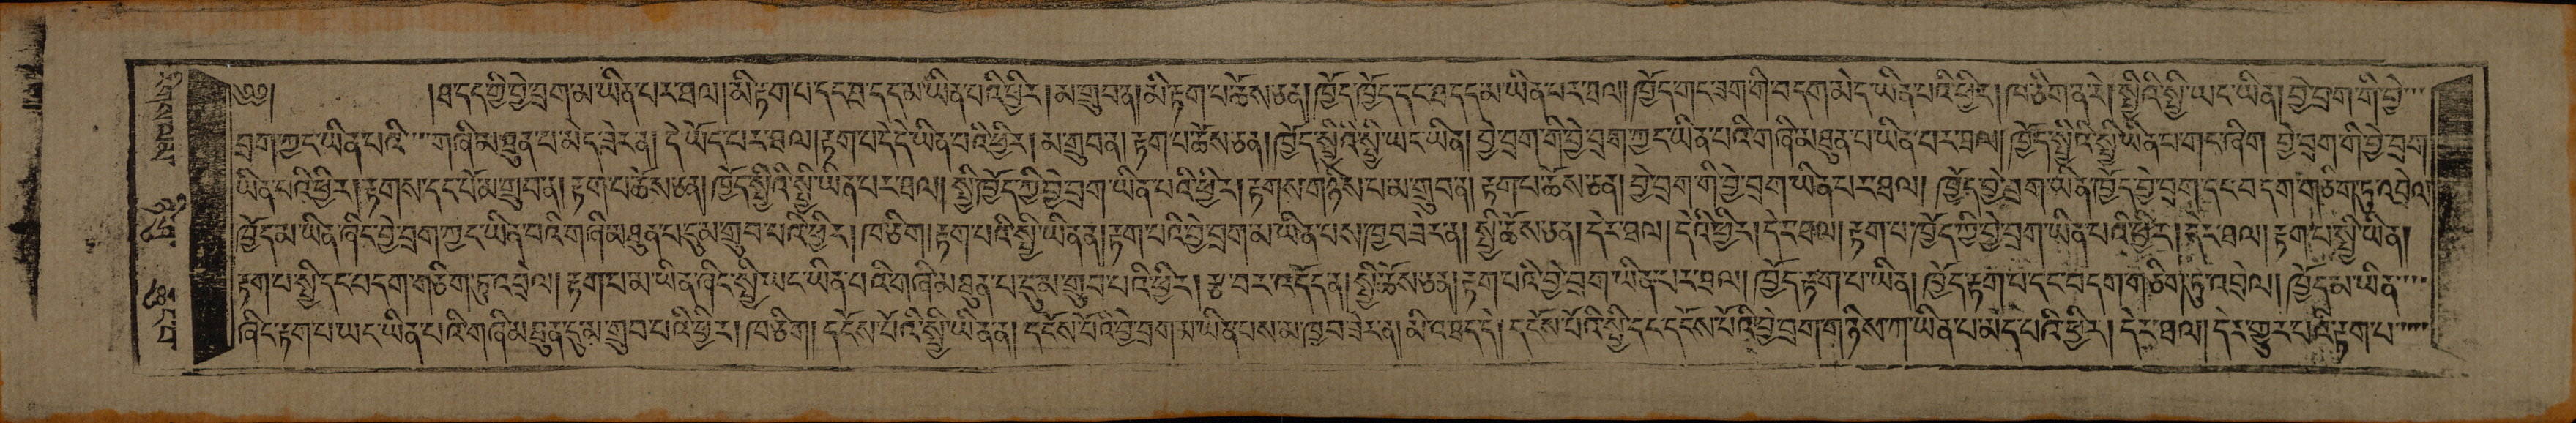༄༅། །ཐ་དད་གྱི་བྱེ་བྲག་མ་ཡིན་པར་ཐལ། མི་རྟག་པ་དང་ཐ་དད་མ་ཡིན་པའི་ཕྱིར། མ་གྲུབ་ན། མི་རྟག་པ་ཆོས་ཅན། ཁྱོད་ཁྱོད་དང་ཐ་དད་མ་ཡིན་པར་ཐལ། ཁྱོད་གང་ཟག་གི་བདག་མེད་ཡིན་པའི་ཕྱིར། ཁ་ཅིག་ན་རེ། སྤྱིའི་སྤྱི་ཡང་ཡིན། བྱེ་བྲག་གི་བྱེ་
བྲག་ཀྱང་ཡིན་པའི་གཞི་མཐུན་པ་མེད་ཟེར་ན། དེ་ཡོད་པར་ཐལ། རྟག་པ་དེ་དེ་ཡིན་པའི་ཕྱིར། མ་གྲུབ་ན། རྟག་པ་ཆོས་ཅན། ཁྱོད་སྤྱིའི་སྤྱི་ཡང་ཡིན། བྱེ་བྲག་གི་བྱེ་བྲག་ཀྱང་ཡིན་པའི་གཞི་མཐུན་པ་ཡིན་པར་ཐལ། ཁྱོད་སྤྱིའི་སྤྱི་ཡིན་པ་གང་ཞིག་བྱེ་བྲག་གི་བྱེ་བྲག་
ཡིན་པའི་ཕྱིར། རྟགས་དང་པོ་མ་གྲུབ་ན། རྟག་པ་ཆོས་ཅན། ཁྱོད་སྤྱིའི་སྤྱི་ཡིན་པར་ཐལ། སྤྱི་ཁྱོད་ཀྱི་བྱེ་བྲག་ཡིན་པའི་ཕྱིར། རྟགས་གཉིས་པ་མ་གྲུབ་ན། རྟག་པ་ཆོས་ཅན། བྱེ་བྲག་གི་བྱེ་བྲག་ཡིན་པར་ཐལ། ཁྱོད་བྱེ་བྲག་ཡིན་ཁྱོད་བྱེ་བྲག་དང་བདག་གཅིག་ཏུ་འབྲེལ་
ཁྱོད་མ་ཡིན་ཞིང་བྱེ་བྲག་ཀྱང་ཡིན་པའི་གཞི་མཐུན་པ་དུ་མ་གྲུབ་པའི་ཕྱིར། ཁ་ཅིག །རྟག་པའི་སྤྱི་ཡིན་ན། རྟག་པའི་བྱེ་བྲག་མ་ཡིན་པས་ཁྱབ་ཟེར་ན། སྤྱི་ཆོས་ཅན། དེར་ཐལ། དེའི་ཕྱིར། དེར་ཐལ། རྟག་པ་ཁྱོད་ཀྱི་བྱེ་བྲག་ཡིན་པའི་ཕྱིར། དེར་ཐལ། རྟག་པ་སྤྱི་ཡིན།
རྟག་པ་སྤྱི་དང་བདག་གཅིག་ཏུ་འབྲེལ། རྟག་པ་མ་ཡིན་ཞིང་སྤྱི་ཡང་ཡིན་པའི་གཞི་མཐུན་པ་དུ་མ་གྲུབ་པའི་ཕྱིར། རྩ་བར་འདོད་ན། སྤྱི་ཆོས་ཅན། རྟག་པའི་བྱེ་བྲག་ཡིན་པར་ཐལ། ཁྱོད་རྟག་པ་ཡིན། ཁྱོད་རྟག་པ་དང་བདག་གཅིག་ཏུ་འབྲེལ། ཁྱོད་མ་ཡིན་
ཞིང་རྟག་པ་ཡང་ཡིན་པའི་གཞི་མཐུན་དུ་མ་གྲུབ་པའི་ཕྱིར། ཁ་ཅིག །དངོས་པོའི་སྤྱི་ཡིན་ན། དངོས་པོའི་བྱེ་བྲག་མ་ཡིན་པས་མ་ཁྱབ་ཟེར་ན། མི་འཐད་དེ། དངོས་པོའི་སྤྱི་དང་དངོས་པོའི་བྱེ་བྲག་གཉིས་ཀ་ཡིན་པ་མེད་པའི་ཕྱིར། དེར་ཐལ། དེར་གྱུར་པའི་རྟག་པ་